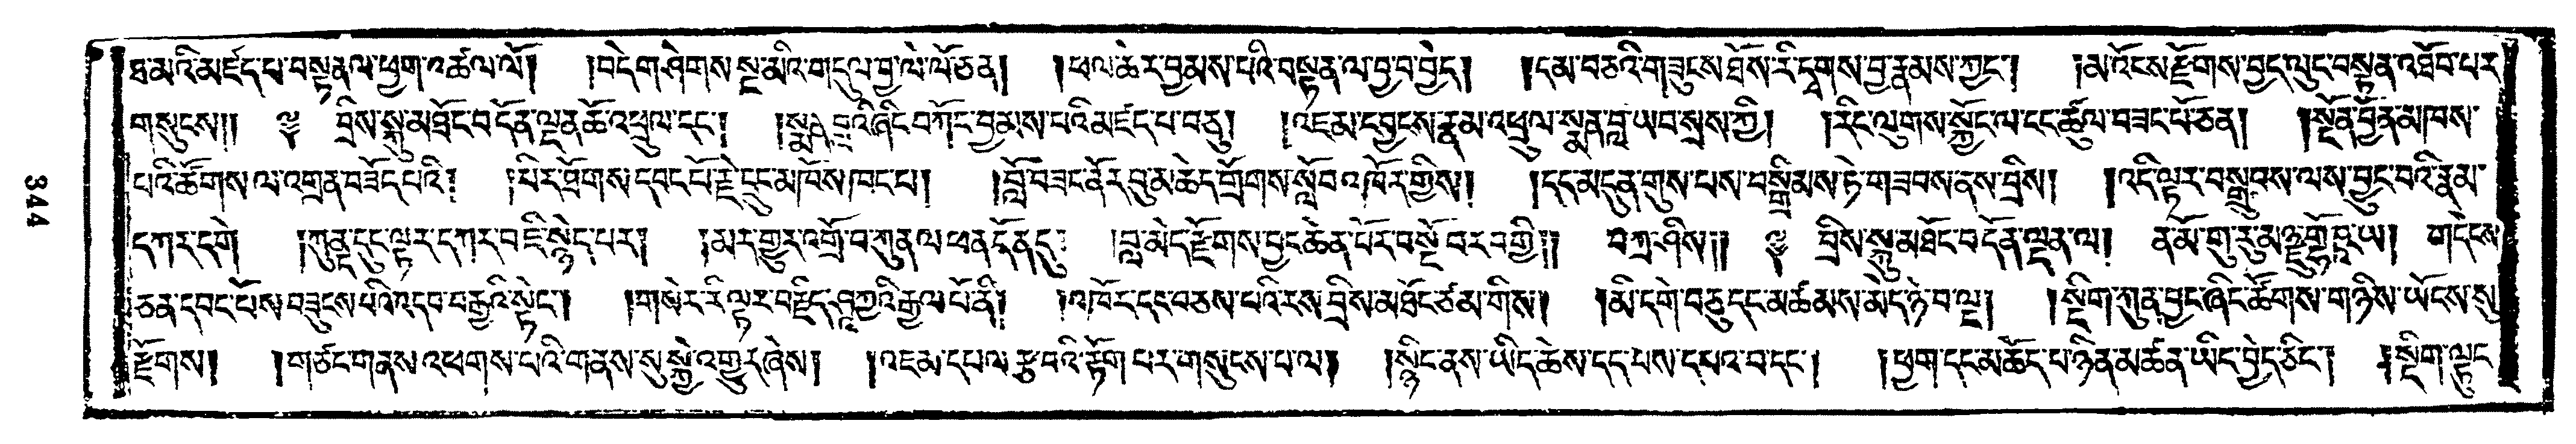ཐ་མའི་མཛད་པ་བསྟན་ལ་ཕྱག་འཚལ་ལོ། །བདེ་གཤེགས་སྔ་མའི་གདུལ་བྱ་ལེ་ལོ་ཅན། །ཕལ་ཆེར་བྱམས་པའི་བསྟན་ལ་བྱ་བ་བྱེད། །དམ་བཅའི་གཟུངས་ཐོས་རི་དྭགས་བྱ་རྣམས་ཀྱང་། །མ་འོངས་རྫོགས་བྱང་ལུང་བསྟན་འཐོབ་པར་
གསུངས།། ༈ བྲིས་སྐུ་མཐོང་བ་དོན་ལྡན་ཆོ་འཕྲུལ་དང་། །སྨན་བླའི་ཞིང་བཀོད་བྱམས་པའི་མཛད་པ་བཅུ། །འཇམ་དབྱངས་རྣམ་འཕྲུལ་སྨན་བླ་ཡབ་སྲས་ཀྱི། །རིང་ལུགས་སྐྱོང་ལ་ངང་ཚུལ་བཟང་པོ་ཅན། །སྔོན་བྱོན་མཁས་
པའི་ཚོགས་ལ་འགྲན་བཟོད་པའི། །པིར་ཐོགས་དབང་པོ་རྗེ་དྲུང་མཁོས་ཁང་པ། །བློ་བཟང་ནོར་བུ་མཆེད་གྲོགས་སློབ་འཁོར་གྱིས། །དང་མདུན་གུས་པས་བསྒྲིམས་ཏེ་གཟབས་ནས་བྲིས། །འདི་ལྟར་བསྒྲུབས་ལས་བྱུང་བའི་རྣམ་
དཀར་དགེ །ཀུནྡ་དུང་ལྟར་དཀར་བ་ཇི་སྙེད་པར། །མར་གྱུར་འགྲོ་བ་ཀུན་ལ་ཕན་དོན་དུ། །བླ་མེད་རྫོགས་བྱང་ཆེན་པོར་བསྔོ་བར་བགྱི།། བཀྲ་ཤིས།། ༈ བྲིས་སྐུ་མཐོང་བ་དོན་ལྡན་ལ། ན་མོ་གུ་རུ་མཉྫུ་གྷོ་ཥཱ་ཡ། གདེངས་
ཅན་དབང་པོས་བཟུངས་པའི་འདབ་བརྒྱའི་སྟེང་། །གསེར་རི་ལྟར་བརྗིད་ཤཱཀྱའི་རྒྱལ་པོ་ནི། །འཁོར་དང་བཅས་པའི་རས་བྲིས་མཐོང་ཙམ་གྱིས། །མི་དགེ་བཅུ་དང་མཚམས་མེད་ཉེ་བ་ལྔ། །སྡིག་ཀུན་བྱང་ཞིང་ཚོགས་གཉིས་ཡོངས་སུ་
རྫོགས། །གཙང་གནས་འཕགས་པའི་གནས་སུ་སྐྱེ་འགྱུར་ཞེས། །འཇམ་དཔལ་རྩ་བའི་རྟོག་པར་གསུངས་པ་ལ། །སྙིང་ནས་ཡིད་ཆེས་དད་པས་དཔའ་བ་དང་། །ཕྱག་དང་མཆོད་པ་ཉིན་མཚན་ཉིད་བྱེད་ཅིང་། །སྡིག་ལྟུང་